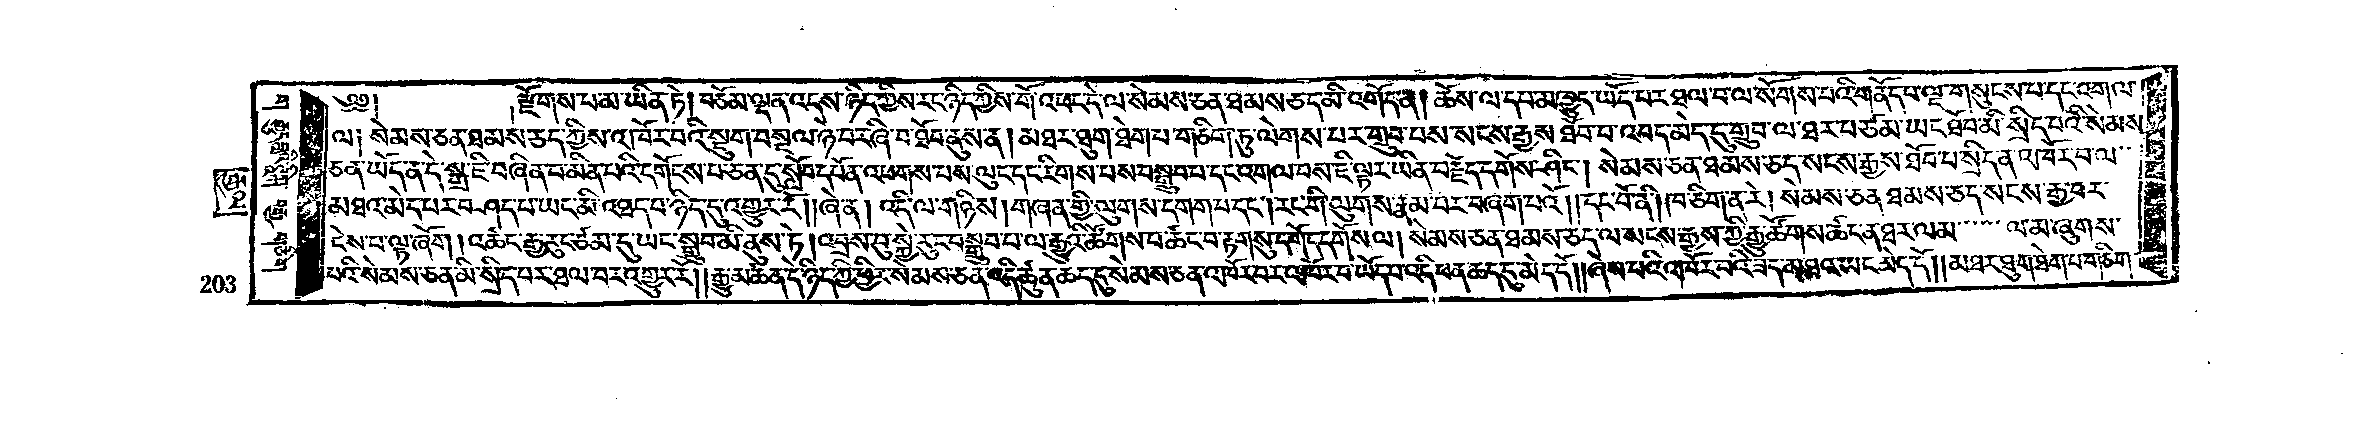༄༅། །རྫོགས་པ་མ་ཡིན་ཏེ། བཅོམ་ལྡན་འདས་ཉིད་ཀྱིས་རང་ཉིད་ཀྱིས་གོ་འཕང་དེ་ལ་སེམས་ཅན་ཐམས་ཅད་མི་འགོད་ན། ཆོས་ལ་དཔེ་མ་ཁྱུད?་ཡོད་པར་ཐལ་པ་ལ་སོགས་པའི་གནོད་པ་ལྔ་སུངས་པ་དང་འགལ་
ལ༑ སེམས་ཅན་ཐམས་ཅད་ཀྱིས་འཁོར་བའི་སྡུག་བསྔལ་ཉེ་བར་ཞི་བ་ཐོབ་ནུས་ན། མཐར་ཐུག་ཐེག་པ་གཅིག་ཏུ་ལེགས་པར་གྲུབ་པས་སངས་རྒྱས་ཐོབ་པ་འབད་མེད་དུ་གྲུབ་ལ་ཐར་པ་ཙམ་ཡང་ཐོབ་མི་སྲིད་པའི་སེམས་
ཅན་ཡོད་ན་དེ་སྒྲ་ཇི་བཞིན་པ་མིན་པའི་དགོངས་པ་ཅན་དུ་སློབ་དཔོན་འཕགས་པས་ལུང་དང་རིགས་པས་བསྒྲུབ་པ་དང་འགལ་བས་ཇི་ལྟར་ཡིན་བརྗོད་དགོས་ཤིང་། སེམས་ཅན་ཐམས་ཅད་སངས་རྒྱས་ཐོབ་པ་སྲིད་ན་འཁོར་བ་ལ་
མཐའ་མེད་པར་བཤད་པ་ཡང་མི་འཐད་པ་ཉིད་དུ་འགྱུར་རོ། །ཞེ་ན། འདི་ལ་གཉིས། གཞན་གྱི་ལུགས་དགག་པ་དང་། རང་གི་ལུགས་རྣམ་པར་བཞག་པའོ། །དང་པོ་ནི། ཁ་ཅིག་ན་རེ། སེམས་ཅན་ཐམས་ཅད་སངས་རྒྱ་བར་
ངེས་པ་ལྟ་ཞོག །འཚང་རྒྱ་རུང་ཙམ་དུ་ཡང་སྒྲུབ་མི་ནུས་ཏེ། འབྲས་བུ་སྐྱེ་རུང་བསྒྲུབ་པ་ལ་རྒྱུའི་ཚོགས་པ་ཙང་བ་རྟགས་སུ་དགོད་དགོས་ལ། སེམས་ཅན་ཐམས་ཅད་ལ་སངས་རྒྱས་ཀྱི་རྒྱུ་ཚོགས་ཚང་ན་ཐར་ལམ་ལ་མ་ཞུགས་
པའི་སེམས་ཅན་མི་སྲིད་པར་ཐལ་བར་འགྱུར་རོ། །རྒྱུ་མཚན་དེ་ཉིད་ཀྱི་ཕྱིར་སེམས་ཅན་འདི་ཚུན་ཆད་དུ་སེམས་ཅན་འཁོར་བར་འཁོར་བ་ཡོད་པ་འདི་ཕན་ཆད་དུ་མེད་དོ། །ཞེས་པའི་འཁོར་བའི་ཟད་མཐའ་ཡང་མེད་དོ། །མཐར་ཐུག་ཐེག་པ་གཅིག་